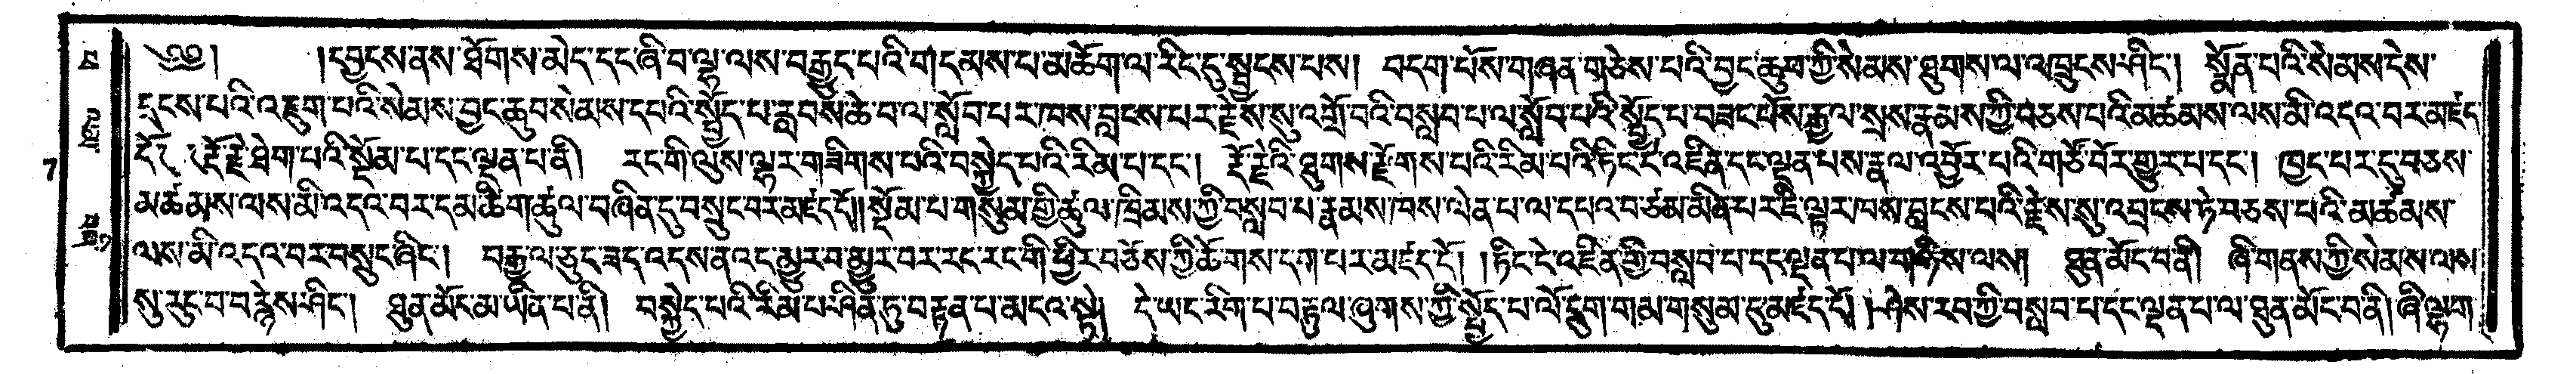༄༅། །དབྱངས་ནས་ཐོགས་མེད་དང་ཞི་བ་ལྷ་ལས་བརྒྱུད་པའི་གདམས་པ་མཆོག་ལ་རིང་དུ་སྦྱངས་པས། བདག་པོས་གཞན་གཅེས་པའི་བྱང་ཆུབ་ཀྱི་སེམས་ཐུགས་ལ་འཁྲུངས་ཤིང་། སྨོན་པའི་སེམས་དེས་
དྲངས་པའི་འཇུག་པའི་སེམས་བྱང་ཆུབ་སེམས་དཔའི་སྤྱོད་པ་རླབས་ཆེ་བ་ལ་སློབ་པར་ཁས་བླངས་པར་རྗེས་སུ་འགྲོ་བའི་བསླབ་པ་ལ་སློབ་པའི་སྤྱོད་པ་བཟང་པོས་རྒྱལ་སྲས་རྣམས་ཀྱི་བཅས་པའི་མཚམས་ལས་མི་འདའ་བར་མཛད་
དོ༑ ༑རྡོ་རྗེ་ཐེག་པའི་སྡོམ་པ་དང་ལྡན་པ་ནི། རང་གི་ལུས་ལྷར་གཟིགས་པའི་བསྐྱེད་པའི་རིམ་པ་དང་། རྡོ་རྗེའི་ཐུགས་རྫོགས་པའི་རིམ་པའི་ཏིང་ངེ་འཛིན་དང་ལྡན་པས་རྣལ་འབྱོར་པའི་གཙོ་བོར་གྱུར་པ་དང་། ཁྱད་པར་དུ་བཅས་
མཚམས་ལས་མི་འདའ་བར་དམ་ཚིག་ཚུལ་བཞིན་དུ་བསྲུང་བར་མཛད་དོ། །སྡོམ་པ་གསུམ་གྱི་ཚུལ་ཁྲིམས་ཀྱི་བསླབ་པ་རྣམས་ཁས་ལེན་པ་ལ་དཔའ་བ་ཙམ་མིན་པར་ཇི་ལྟར་ཁས་བླངས་པའི་རྗེས་སུ་འབྲངས་ཏེ་བཅས་པའི་མཚམས་
ལས་མི་འདའ་བར་བསྲུང་ཞིང་། བརྒྱ་ལ་ཅུང་ཟད་འདས་ནའང་མྱུར་བ་མྱུར་བར་རང་རང་གི་ཕྱིར་བཅོས་ཀྱི་ཚོགས་དག་པར་མཛད་དོ། །ཏིང་ངེ་འཛིན་གྱི་བསླབ་པ་དང་ལྡན་པ་ལ་གཉིས་ལས། ཐུན་མོང་བ་ནི། ཞི་གནས་ཀྱི་སེམས་ལས་
སུ་རུང་བ་བརྙེས་ཤིང་། ཐུན་མོང་མ་ཡིན་པ་ནི། བསྐྱེད་པའི་རིམ་པ་ཤིན་ཏུ་བརྟན་པ་མངའ་སྟེ། དེ་ཡང་རིག་པ་བརྟུལ་ཞུགས་ཀྱི་སྤྱོད་པ་ལོ་དྲུག་གམ་གསུམ་དུ་མཛད་དོ། །ཤེས་རབ་ཀྱི་བསླབ་པ་དང་ལྡན་པ་ལ་ཐུན་མོང་བ་ནི། ཞི་ལྷག་